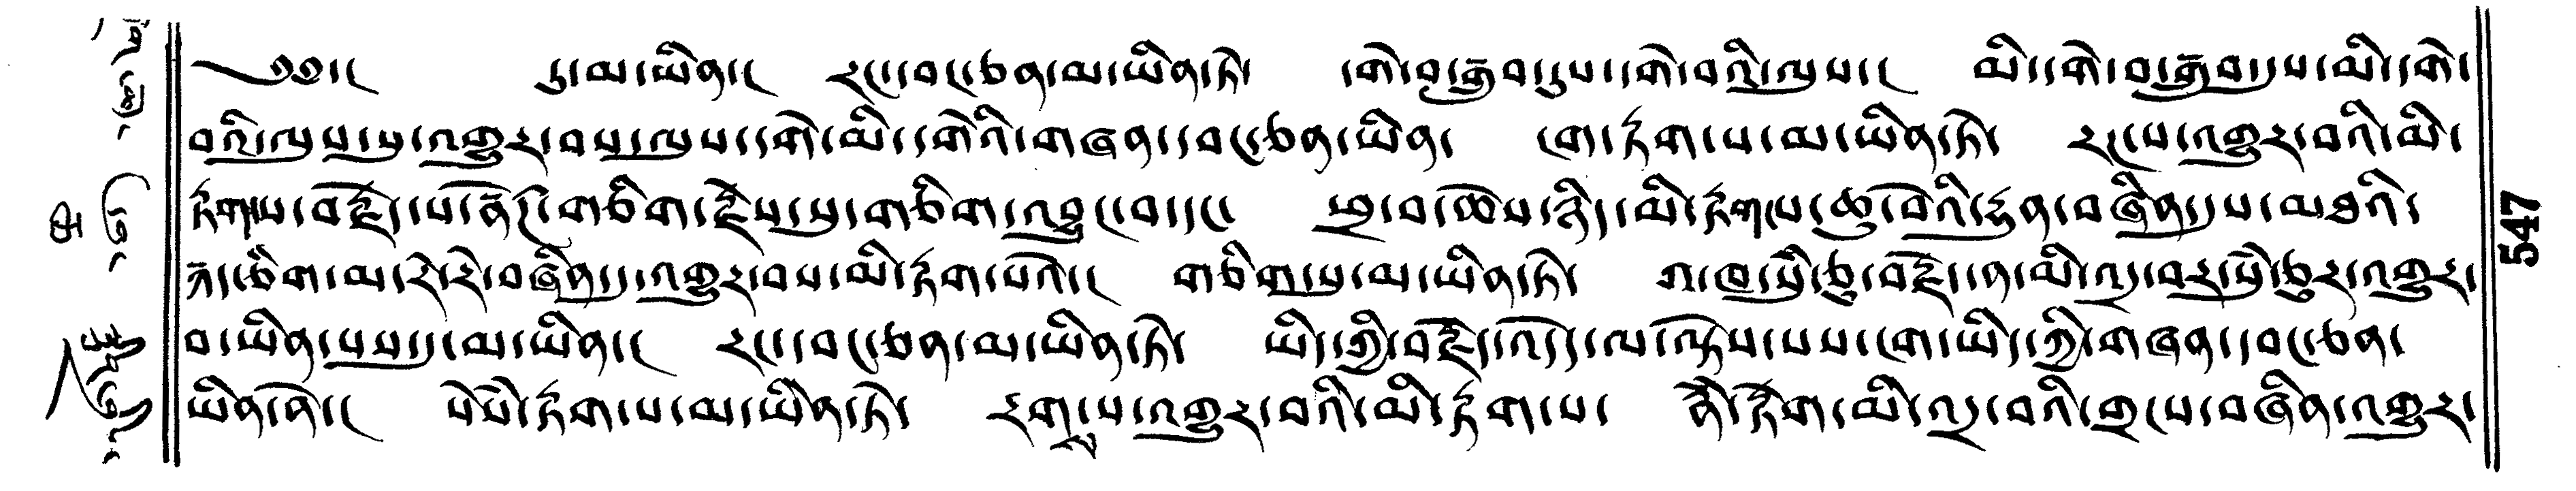དུ་མ་ཡིན། རང་དབང་ཅན་མ་ཡིན་ཏེ། དགེ་བ་སྒྲུབ་དུས་དགེ་བའི་ལུས། མི་དགེ་བ་སྒྲུབ་དུས་མི་དགེ་བའི་
ལུས་སུ་འགྱུར་བས་ལུས་དགེ་མི་དགེའི་གཞན་དབང་ཅན་ཡིན། ངག་རྟག་པ་མ་ཡིན་ཏེ། རགས་པ་འགྱུར་བའི་མི་
རྟག་པ། བརྗོད་པ་སྣ་ཚོགས་གཅིག་རྗེས་སུ་གཅིག་འབྱུང་བ་དང་། ཕྲ་བ་ཆོས་ཉིད་ཀྱི་མི་རྟག་པ་ཆུ་བོའི་རྒྱུན་བཞིན་དུས་མཐའི་
སྐད་ཅིག་མ་རེ་རེ་བཞིན་དུ་འགྱུར་བས་མི་རྟག་པའོ། གཅིག་པུ་མ་ཡིན་ཏེ། ཀ་ཁ་སུམ་ཅུ་བརྗོད་ན་མི་འདྲ་བ་སུམ་ཅུར་འགྱུར་
བ་ཡིན་པས་དུ་མ་ཡིན། རང་དབང་ཅན་མ་ཡིན་ཏེ། ཡིད་ཀྱི་བརྗོད་འདོད་ལ་ལྟོས་པས་ངག་ཡིད་ཀྱི་གཞན་དབང་ཅན་
ཡིན་ནོ། སེམས་རྟག་པ་མ་ཡིན་ཏེ། རགས་པ་འགྱུར་བའི་མི་རྟག་པ། རྣམ་རྟོག་མི་འདྲ་བའི་གྲངས་བཞིན་འགྱུར་